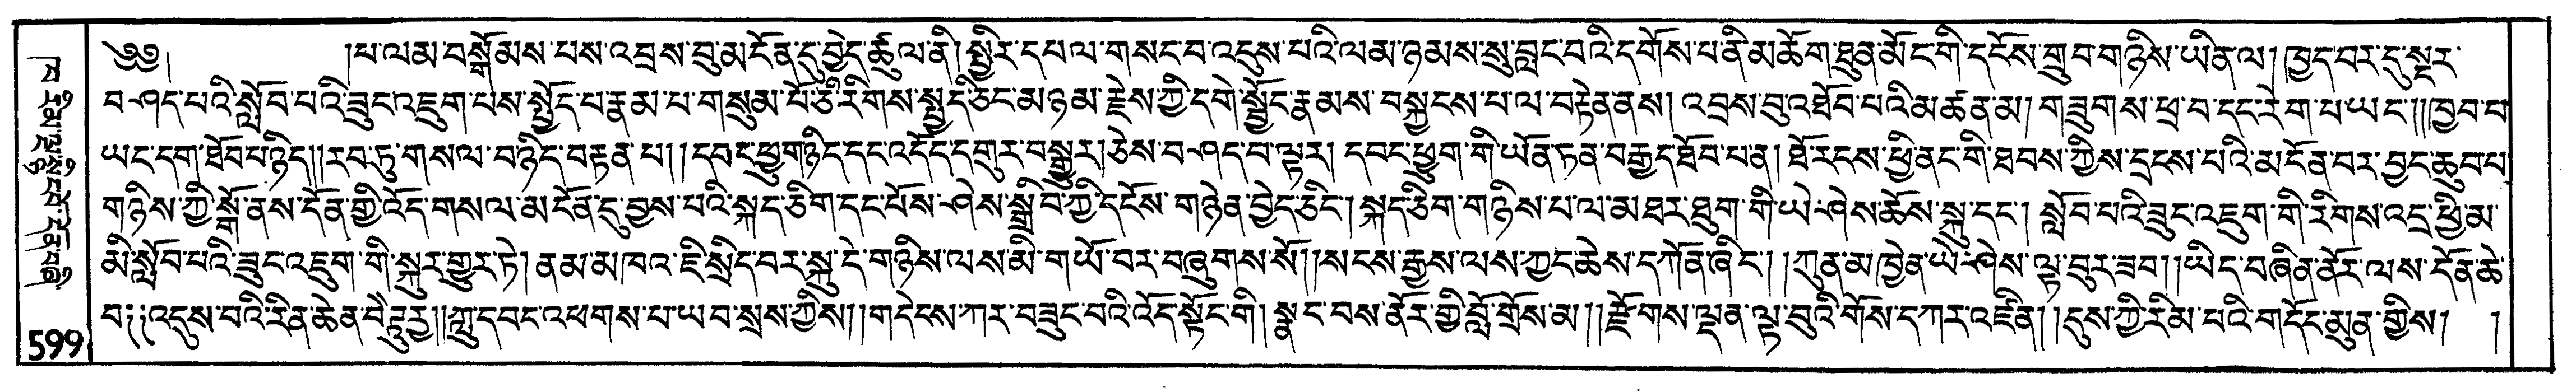༄༅། །པ་ལམ་བསྒོམས་པས་འབྲས་བུ་མངོན་དུ་བྱེད་ཚུལ་ནི། སྤྱིར་དཔལ་གསང་བ་འདུས་པའི་ལམ་ཉམས་སུ་བླང་བའི་དགོས་པ་ནི་མཆོག་ཐུན་མོང་གི་དངོས་གྲུབ་གཉིས་ཡིན་ལ། ཁྱད་པར་དུ་སྔར་
བཤད་པའི་སློབ་པའི་ཟུང་འཇུག་པས་སྤྱོད་པ་རྣམ་པ་གསུམ་པོ་ཅི་རིགས་སྤྱད་ཅིང་མཉམ་རྗེས་ཀྱི་དགེ་སྦྱོང་རྣམས་བསྐྱངས་པ་ལ་བརྟེན་ནས། འབྲས་བུ་འཐོབ་པའི་མཚན་མ། གཟུགས་ཕྲ་བ་དང་རེག་པ་ཡང་། །ཁྱབ་པ་
ཡང་དག་ཐོབ་པ་ཉིད། །རབ་ཏུ་གསལ་བ་ཉིད་བརྟན་པ། །དབང་ཕྱུག་ཉིད་དང་འདོད་དགུར་བསྒྱུར། ཅེས་བཤད་པ་ལྟར། དབང་ཕྱུག་གི་ཡོན་ཏན་བརྒྱད་ཐོབ་པ་ན། ཐོ་རངས་ཕྱི་ནང་གི་ཐབས་ཀྱིས་དྲངས་པའི་མངོན་པར་བྱང་ཆུབ་པ་
གཉིས་ཀྱི་སྒོ་ནས་དོན་གྱི་འོད་གསལ་མངོན་དུ་བྱས་པའི་སྐད་ཅིག་དང་པོས་ཤེས་སྒྲིབ་ཀྱི་དངོས་གཉེན་བྱེད་ཅིང་། སྐད་ཅིག་གཉིས་པ་ལ་མཐར་ཐུག་གི་ཡེ་ཤེས་ཆོས་སྐུ་དང་། སློབ་པའི་ཟུང་འཇུག་གི་རིགས་འདྲ་ཕྱི་མ་
མི་སློབ་པའི་ཟུང་འཇུག་གི་སྐུར་གྱུར་ཏེ། ནམ་མཁའ་ཇི་སྲིད་བར་སྐུ་དེ་གཉིས་ལས་མི་གཡོ་བར་བཞུགས་སོ། །སངས་རྒྱས་ལས་ཀྱང་ཆེས་དཀོན་ཞིང་། །ཀུན་མཁྱེན་ཡེ་ཤེས་ལྟ་བུར་ཟབ། །ཡིད་བཞིན་ནོར་ལས་དོན་ཆེ་
བ། །འདུས་པའི་རིན་ཆེན་བཻཌཱུརྱ། །ཀླུ་དབང་འཕགས་པ་ཡབ་སྲས་ཀྱིས། །གདེངས་ཀར་བཟུང་བའི་འོད་སྟོང་གི །སྣང་བས་ནོར་གྱི་བློ་གྲོས་མ། །རྫོགས་ལྡན་ལྟ་བུའི་གོས་དཀར་འཛིན། །དུས་ཀྱི་རིམ་པའི་གདོང་མུན་གྱིས། །